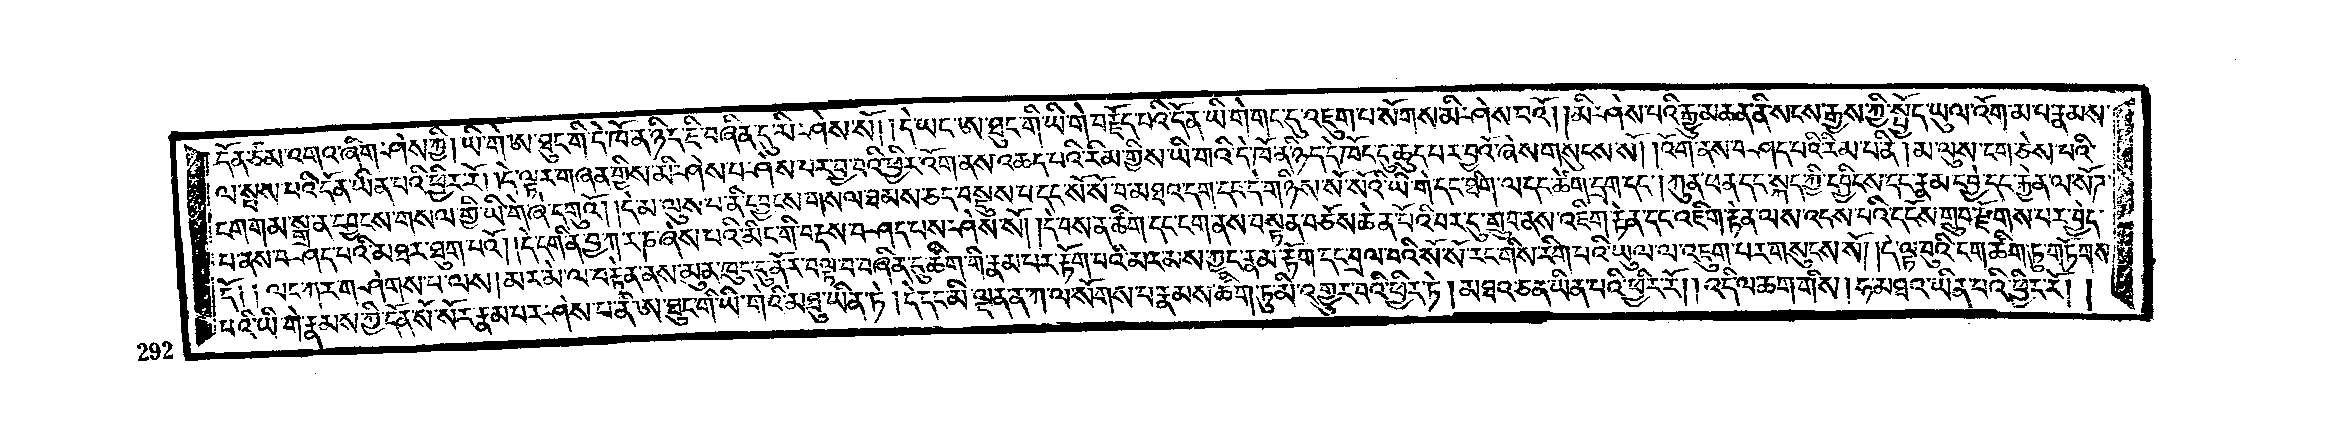དོན་ཙམ་འགའ་ཞིག་ཤེས་ཀྱི། ཡི་གེ་ཨ་ཐུང་གི་དེ་ཁོ་ན་ཉིད་ཇི་བཞིན་དུ་མི་ཤེས་སོ། །དེ་ཡང་ཨ་ཐུང་གི་ཡི་གེ་བརྗོད་པའི་དོན་ཡི་གེ་གང་དུ་འཇུག་པ་སོགས་མི་ཤེས་པའོ། །མི་ཤེས་པའི་རྒྱུ་མཚན་ནི་སངས་རྒྱས་ཀྱི་སྤྱོད་ཡུལ་འོག་མ་པ་རྣམས་
ལ་སྦས་པའི་དོན་ཡིན་པའི་ཕྱིར་རོ། །དེ་ལྟར་གཞན་གྱིས་མི་ཤེས་པ་ཤེས་པར་བྱ་བའི་ཕྱིར་འོག་ནས་འཆད་པའི་རིམ་གྱིས་ཡི་གེའི་དེ་ཁོ་ན་ཉིད་དེ་ཁོང་དུ་ཆུད་པར་བྱའོ་ཞེས་གསུངས་སོ། །འོག་ནས་བཤད་པའི་རིམ་པ་ནི། མ་ལུས་ངག་ཅེས་པའི་
ངག་གམ་སྒྲ་ནི་དབྱངས་གསལ་གྱི་ཡི་གེ་ཞེ་དགུའོ། །དེ་མ་ལུས་པ་ནི་དབྱངས་གསལ་ཐམས་ཅད་བསྡུས་པ་དང་སོ་སོ་བ་མཐའ་དག་དང་དེ་གཉིས་སོ་སོའི་ཡི་གེ་དང་ཐིག་ལ་དང་ཚེག་དྲག་དང་། ཀུན་ཕན་དང་སྐད་ཀྱི་དབྱིངས་དང་རྣམ་དབྱེ་དང་རྐྱེན་ལ་སོགས་
པ་ནས་བཤད་པའི་མཐར་ཐུག་པའོ། །དེ་དག་ནི་བྱ་ཀ་ར་ཎ་ཞེས་པའི་མིང་གི་བརྡས་བཤད་པས་ཤེས་སོ། །དེ་བས་ན་ཚིག་དང་ངག་ནས་བསྟན་བཅོས་ཆེན་པོའི་བར་དུ་གྲུབ་ནས་འཇིག་རྟེན་དང་འཇིག་རྟེན་ལས་འདས་པའི་དངོས་གྲུབ་རྫོགས་པར་བྱེད་
དོ། །ལང་ཀར་གཤེགས་པ་ལས། མར་མེ་ལ་བརྟེན་ནས་མུན་ཁུང་དུ་ནོར་བལྟ་བ་བཞིན་དུ་ཚིག་གི་རྣམ་པར་རྟོག་པའི་མར་མས་ཀྱང་རྣམ་རྟོག་དང་བྲལ་བའི་སོ་སོ་རང་གིས་རིག་པའི་ཡུལ་ལ་འཇུག་པར་གསུངས་སོ། །དེ་ལྟ་བུའི་ངག་ཚིག་ཏུ་གཏོགས་
པའི་ཡི་གེ་རྣམས་ཀྱི་དོན་སོ་སོར་རྣམ་པར་ཤེས་པ་ནི་ཨ་ཐུང་གི་ཡི་གེའི་མཐུ་ཡིན་ཏེ། དེ་དང་མི་ལྡན་ན་ཀ་ལ་སོགས་པ་རྣམས་ཚིག་ཏུ་མི་འགྱུར་བའི་ཕྱིར་ཏེ། མཐའ་ཅན་ཡིན་པའི་ཕྱིར་རོ། །འདི་ལ་ཆག་གིས། ཧ་མཐའ་ཡིན་པའི་ཕྱིར་རོ། །